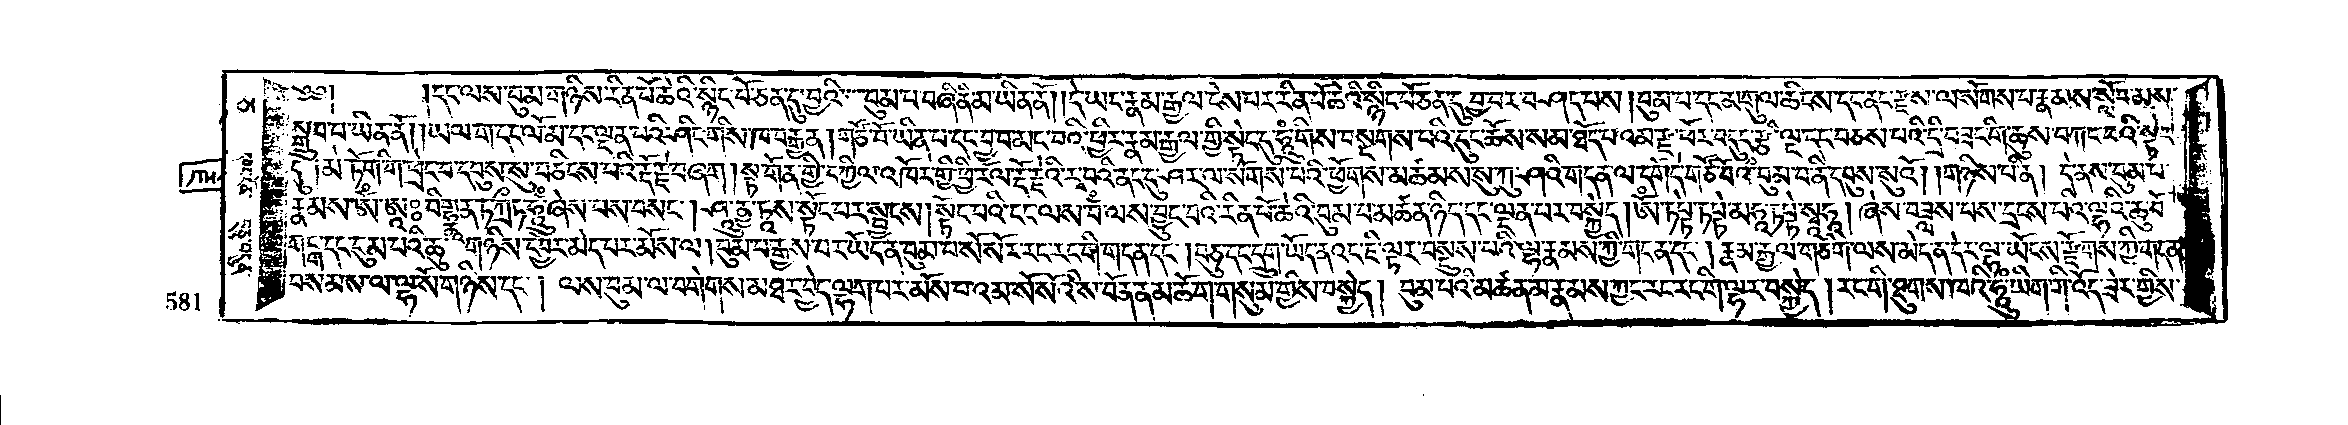༄༅། །དང་ལས་བུམ་གཉིས་རིན་པོ་ཆེའི་སྙིང་པོ་ཅན་དུ་བྱའི་བུམ་པ་བཞི་ནི་མ་ཡིན་ནོ། །དེ་ཡང་རྣམ་རྒྱལ་ངེས་པར་རིན་པོ་ཆེའི་སྙིང་པོ་ཅན་དུ་བྱ་བར་བཤད་པས། བུམ་པ་དང་མགུལ་ཆིངས་དང་ནང་རྫས་ལ་སོགས་པ་རྣམས་སློབ་མས་
སྒྲུབ་པ་ཡིན་ནོ། །ཡལ་ག་དང་ལོ་མ་དང་ལྡན་པའི་ཤིང་གིས་ཁ་བརྒྱན། གཙོ་བོ་ཡིན་པ་དང་བྱ་བ་མང་བའི་ཕྱིར་རྣམ་རྒྱལ་གྱི་སྟེང་དུ་ཧཱུཾ་གིས་བསྔགས་པའི་དུང་ཆོས་སམ་ཐོད་པ་འམ་རྫ་ཕོར་བདུད་རྩི་ལྔ་དང་བཅས་པའི་དྲི་བཟང་གི་ཆུས་བཀང་བའི་སྟེང་
དུ། མེ་ཏོག་གི་ཕྲེང་བ་དབུས་སུ་བཅིངས་པའི་རྡོ་རྗེ་བཞག །སྟ་གོན་གྱི་དཀྱིལ་འཁོར་གྱི་ཕྱི་རོལ་རྡོ་རྗེའི་རྭ་བའི་ནང་དུ་ཤར་ལ་སོགས་པའི་ཕྱོགས་མཚམས་སུ་ཀུ་ཤའི་གདན་ལ་དགོད་གཙོ་བོའི་བུམ་པ་ནི་དབུས་སུའོ། །གཉིས་པ་ནི། དེ་ནས་བུམ་པ་
རྣམས་ཨོཾ་ཨཱཿ བིགྷྣཱན་ཏ་ཀྲྀཏ་ཧཱུཾ་ཞེས་པས་བསང་། ཤཱུ་ནྱ་ཏཱས་སྟོང་པར་སྦྱངས། སྟོང་པའི་ངང་ལས་བཾ་ལས་བྱུང་བའི་རིན་པོ་ཆེའི་བུམ་པ་མཚན་ཉིད་དང་ལྡན་པར་བསྐྱེད། ཨོཾ་ཏཔྟེ་ཏཔྟེ་མཧཱ་ཏཔྟེ་སྭཱ་ཧཱ། ཞེས་བཟླས་པས་དྲངས་པའི་ལྷའི་ཆུ་བོ་
གངྒ་དང་བུམ་པའི་ཆུ་གཉིས་དབྱེར་མེད་པར་མོས་ལ། བུམ་པ་རྒྱས་པར་ཡོད་ན་བུམ་པ་སོ་སོར་རང་རང་གི་གདན་དང་། བཅུ་དང་དྲུག་ཡོད་ནའང་ཇི་ལྟར་བསྡུས་པའི་ལྷ་རྣམས་ཀྱི་གདན་དང་། རྣམ་རྒྱལ་གཅིག་ལས་མེད་ན་དེར་ལྷ་ཡོངས་རྫོགས་ཀྱི་གདན་
བསམས་ལ་ལྷ་སོ་གཉིས་དང་། ལས་བུམ་ལ་བགེགས་མཐར་བྱེད་ལྷག་པར་མོས་པའམ་སོ་སོའི་ས་བོན་ནམ་ཆོ་ག་གསུམ་གྱིས་བསྐྱེད། བུམ་པའི་མཚན་མ་རྣམས་ཀྱང་རང་རང་གི་ལྷར་བསྐྱེད། རང་གི་ཐུགས་ཁའི་ཧཱུཾ་ཡིག་གི་འོད་ཟེར་གྱིས་